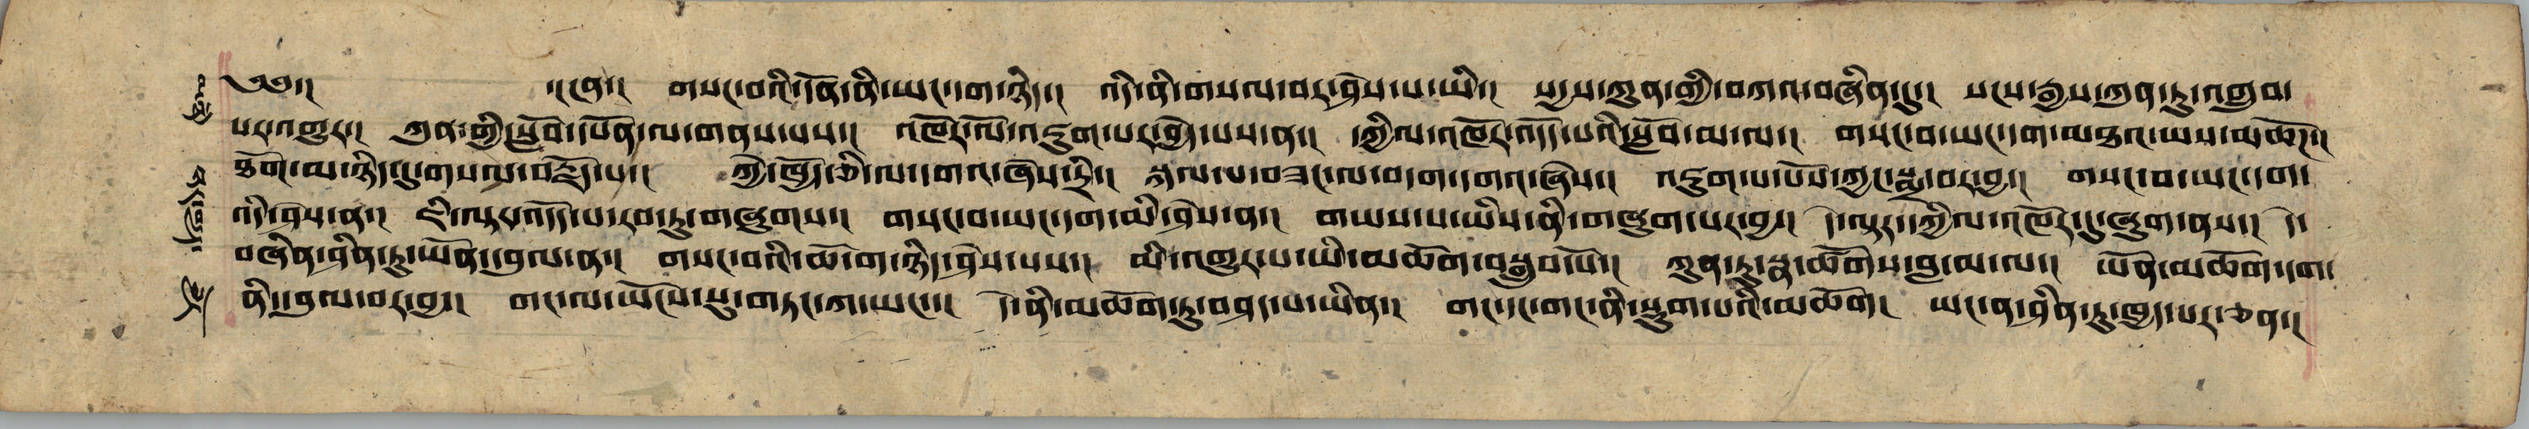༄༅་། ་།ངན་། གསང་བའི་དོན་ནི་ཡང་དག་ཉིད་། འདི་ནི་གསལ་བར་ཤེས་པ་ཡི་། སདྱས་ཀུན་གྱི་བཀའ་བཞིན་དུ་། སངས་རྒྱས་ཀུན་ཏུ་འགྲུབ་
པར་འགྱུར་། ཀུན་གྱི་སློབ་དཔོན་ལ་གནས་པས་། འཁོར་ལོ་འཇུག་པར་བྱེད་པས་ན་། དཀྱིལ་འཁོར་འདོད་པའི་སློབ་མ་ལ་། གསང་བ་ཡང་དག་མཐའ་ཡས་མཆོཌ་།
ཐོག་མ་ཉིད་དུ་གསལ་བརྗོད་པ་། ཀྱེ་ཁྱོད་ཅི་ལ་དགའ་ཞེས་དྲི་། སྐལ་པ་བཟང་ལ་བདག་དགའ་ཞེས་། འཇུག་པ་པོས་ཀྱང་སྨྲ་བར་བྱ་། གསང་བ་ཡང་དག་
འདི་ཤེས་ན་། ཇི་ལྟར་འདོད་པ་རབ་ཏུ་གཞུགས་། གསང་བ་ཡང་དག་མི་ཤེས་ན་། གཡས་པ་ཡིས་ནི་གཞུག་པར་བྱ་། དེ་ལྟར་དཀྱིལ་འཁོར་དུ་ཞུགས་ནས་། དེ
བཞིན་ཤིན་ཏུ་ཡོན་དབུལ་ན་། གསང་བའི་ཆོ་ག་ཉིད་ཤེས་པས་། མི་འགྱུར་པ་ཡི་མཆོག་བསྒྲུབ་པོ་། ཀུན་ཏུ་སྣ་ཚོགས་བླ་མ་ལ་། ཡོན་མཆོག་དག་
ནི་དབུལ་བར་བྱ་། གང་ལ་ཡོངས་སུ་གཏང་ཀ་ཡང་་། དེ་ནི་མཆོག་ཏུ་བཤད་པ་ཡིན་། གང་དང་གང་ནི་སྡུག་པའི་མཆོག། ཡང་ན་ཤིན་ཏུ་ཁྱད་པར་ཅན་།